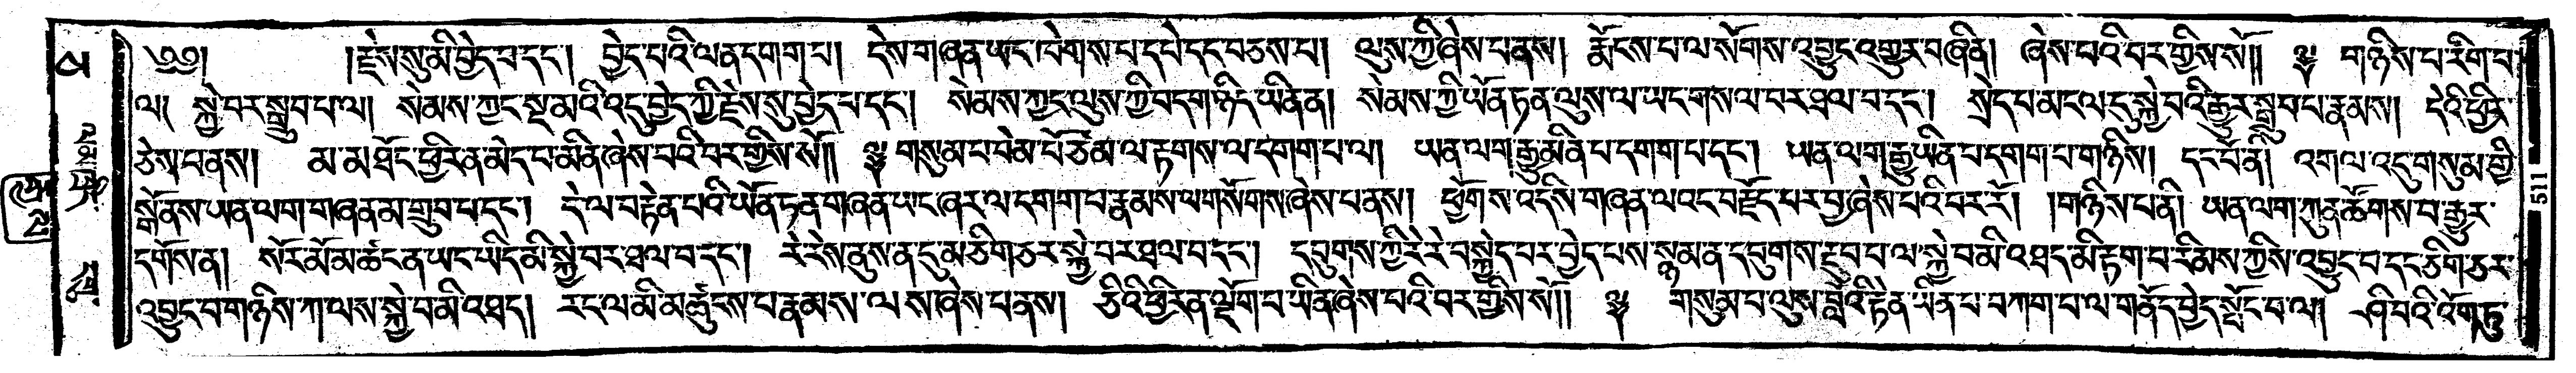༄༅། །རྗེས་སུ་མི་བྱེད་པ་དང་། བྱེད་པའི་ལན་དགག་པ། དེས་གཞན་ཡང་ཁེགས་པ་དཔེ་དང་བཅས་པ། ལུས་ཀྱི་ཞེས་པ་ནས། རྨོངས་པ་ལ་སོགས་འབྱུང་འགྱུར་བཞིན། ཞེས་པའི་བར་གྱིས་སོ།། ༈ གཉིས་པ་རིག་པ་
ལ། སྐྱེ་བར་སྒྲུབ་པ་ལ། སེམས་ཀྱང་སྔ་མའི་འདུ་བྱེད་ཀྱི་རྗེས་སུ་བྱེད་པ་དང་། སེམས་ཀྱང་ལུས་ཀྱི་བདག་ཉིད་ཡིན་ན། སེམས་ཀྱི་ཡོན་ཏན་ལུས་ལ་ཡང་གསལ་བར་ཐལ་བ་དང་། སྲེད་པ་མངལ་དུ་སྐྱེ་བའི་རྒྱུར་སྒྲུབ་པ་རྣམས། དེའི་ཕྱིར་
ཅེས་པ་ནས། མ་མཐོང་ཕྱིར་ན་མེད་པ་མིན་ཞེས་པའི་བར་གྱིས་སོ།། ༈ གསུམ་པ་བེམ་པོ་ཙམ་ལ་རྟགས་ལ་དགག་པ་ལ། ཡན་ལག་རྒྱུ་མིན་པ་དགག་པ་དང་། ཡན་ལག་རྒྱུ་ཡིན་པ་དགག་པ་གཉིས། དང་པོ་ནི། འགལ་འདུ་གསུམ་གྱི་
སྒོ་ནས་ཡན་ལག་གཞན་མ་གྲུབ་པ་དང་། དེ་ལ་བརྟེན་པའི་ཡོན་ཏན་གཞན་ཡང་ཞར་ལ་དགག་པ་རྣམས་ལག་སོགས་ཞེས་པ་ནས། ཕྱོགས་འདིས་གཞན་ལའང་བརྗོད་པར་བྱ་ཞེས་པའི་བར་རོ། །གཉིས་པ་ནི། ཡན་ལག་ཀུན་ཚོགས་པ་རྒྱུར་
དགོས་ན། སོར་མོ་མ་ཚང་ན་ཡང་ཡིད་མི་སྐྱེ་བར་ཐལ་བ་དང་། རེ་རེས་ནུས་ན་དུ་མ་ཅིག་ཅར་སྐྱེ་བར་ཐལ་བ་དང་། དབུགས་ཀྱི་རེ་རེ་བསྐྱེད་པར་བྱེད་པས་སྙམ་ན་དབུགས་རྔུབ་པ་ལ་སྐྱེ་བ་མི་འཐད་མི་རྟག་པ་རིམས་ཀྱིས་འབྱུང་བ་དང་ཅིག་ཅར་
འབྱུང་བ་གཉིས་ཀ་ལས་སྐྱེ་བ་མི་འཐད། རང་ལ་མི་མཚུངས་པ་རྣམས་ལས་ཞེས་པ་ནས། ཅིའི་ཕྱིར་ན་ལྡོག་པ་ཡིན་ཞེས་པའི་བར་གྱིས་སོ།། ༈ གསུམ་པ་ལུས་བློའི་རྟེན་ཡིན་པ་བཀག་པ་ལ་གནོད་བྱེད་སྤོང་བ་ལ། ཤི་བའི་འོག་ཏུ་